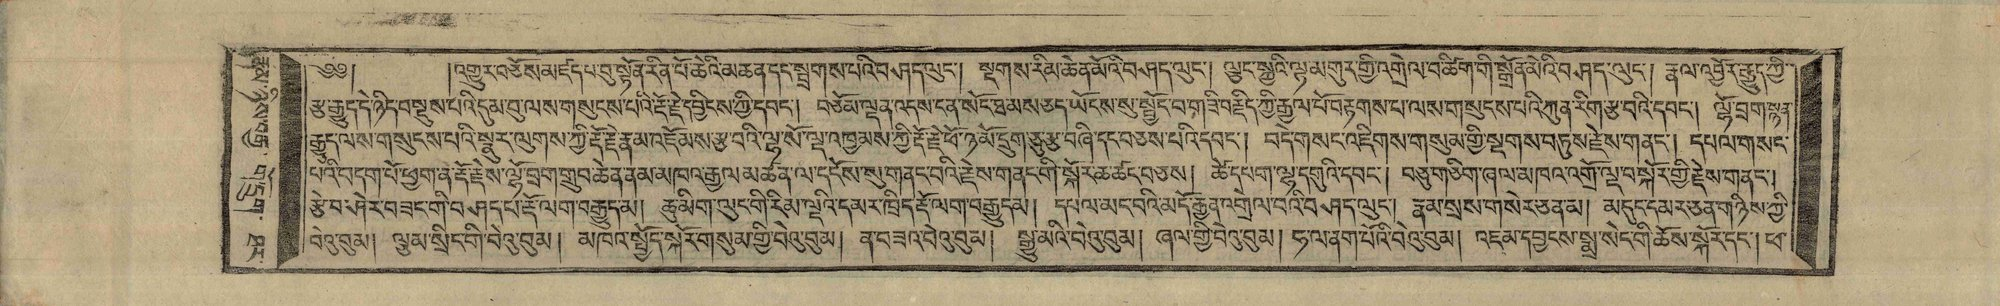༄༅། །འགྱུར་བཅོས་མཛད་པ་བུ་སྟོན་རིན་པོ་ཆེའི་མཆན་དང་སྦྲགས་པའི་བཤད་ལུང་། སྔགས་རིམ་ཆེན་མོའི་བཤད་ལུང་། ལྕང་སྐྱའི་ལྟ་མགུར་གྱི་འགྲེལ་བ་ཚིག་གི་སྒྲོན་མེའི་བཤད་ལུང་། རྣལ་འབྱོར་རྒྱུད་ཀྱི་
རྩ་རྒྱུད་དེ་ཉིད་བསྡུས་པའི་དུམ་བུ་ལས་གསུངས་པའི་རྡོ་རྗེ་དབྱིངས་ཀྱི་དབང་། བཅོམ་ལྡན་འདས་ངན་སོང་ཐམས་ཅད་ཡོངས་སུ་སྦྱོང་བ་གཟི་བརྗིད་ཀྱི་རྒྱལ་པོ་བརྟགས་པ་ལས་གསུངས་པའི་ཀུན་རིག་རྩ་བའི་དབང་། ལྷོ་བྲག་སྙན་
རྒྱུད་ལས་གསུངས་པའི་སྣུར་ལུགས་ཀྱི་རྡོ་རྗེ་རྣམ་འཇོམས་རྩ་བའི་ལྷ་སོ་ལྔ་འཁྱམས་ཀྱི་རྡོ་རྗེ་ཕོ་ཉ་མོ་དྲུག་ཅུ་རྩ་བཞི་དང་བཅས་པའི་དབང་། བདེ་གསང་འཇིགས་གསུམ་གྱི་སྔགས་བཏུས་རྗེས་གནང་། དཔལ་གསང་
པའི་བདག་པོ་ཕྱག་ན་རྡོ་རྗེས་ལྷོ་བྲག་གྲུབ་ཆེན་ནམ་མཁའ་རྒྱལ་མཚན་ལ་དངོས་སུ་གནང་བའི་རྗེས་གནང་གི་སྐོར་ཆ་ཚང་བཅས། ཚེ་དཔག་ལྷ་དགུའི་དབང་། བཅུ་གཅིག་ཞལ་མཁའ་འགྲོ་ལྔ་བསྐོར་གྱི་རྗེས་གནང་།
རྩེ་བ་ཤེར་བཟང་གི་བཤད་པ་རྡོ་ལག་བརྒྱུད་མ། ཆུ་མིག་ལུང་གི་རིམ་ལྔའི་དམར་ཁྲིད་རྡོ་ལག་བརྒྱུད་མ། དཔལ་མང་བའི་མདོ་རྒྱན་འགྲེལ་བའི་བཤད་ལུང་། རྣམ་སྲས་གསེར་ཅན་མ། མདུང་དམར་ཅན་གཉིས་ཀྱི་
བེའུ་བུམ། ལྕམ་སྲིང་གི་བེའུ་བུམ། མཁའ་སྤྱོད་སྐོར་གསུམ་གྱི་བེའུ་བུམ། ན་བཟའ་བེའུ་བུམ། སྒྱུ་མའི་བེའུ་བུམ། ཞལ་གྱི་བེའུ་བུམ། ཧ་ལ་ནག་པོའི་བེའུ་བུམ། འཇམ་དབྱངས་སྨྲ་སེང་གི་ཆོས་སྐོར་དང་། ཕ་